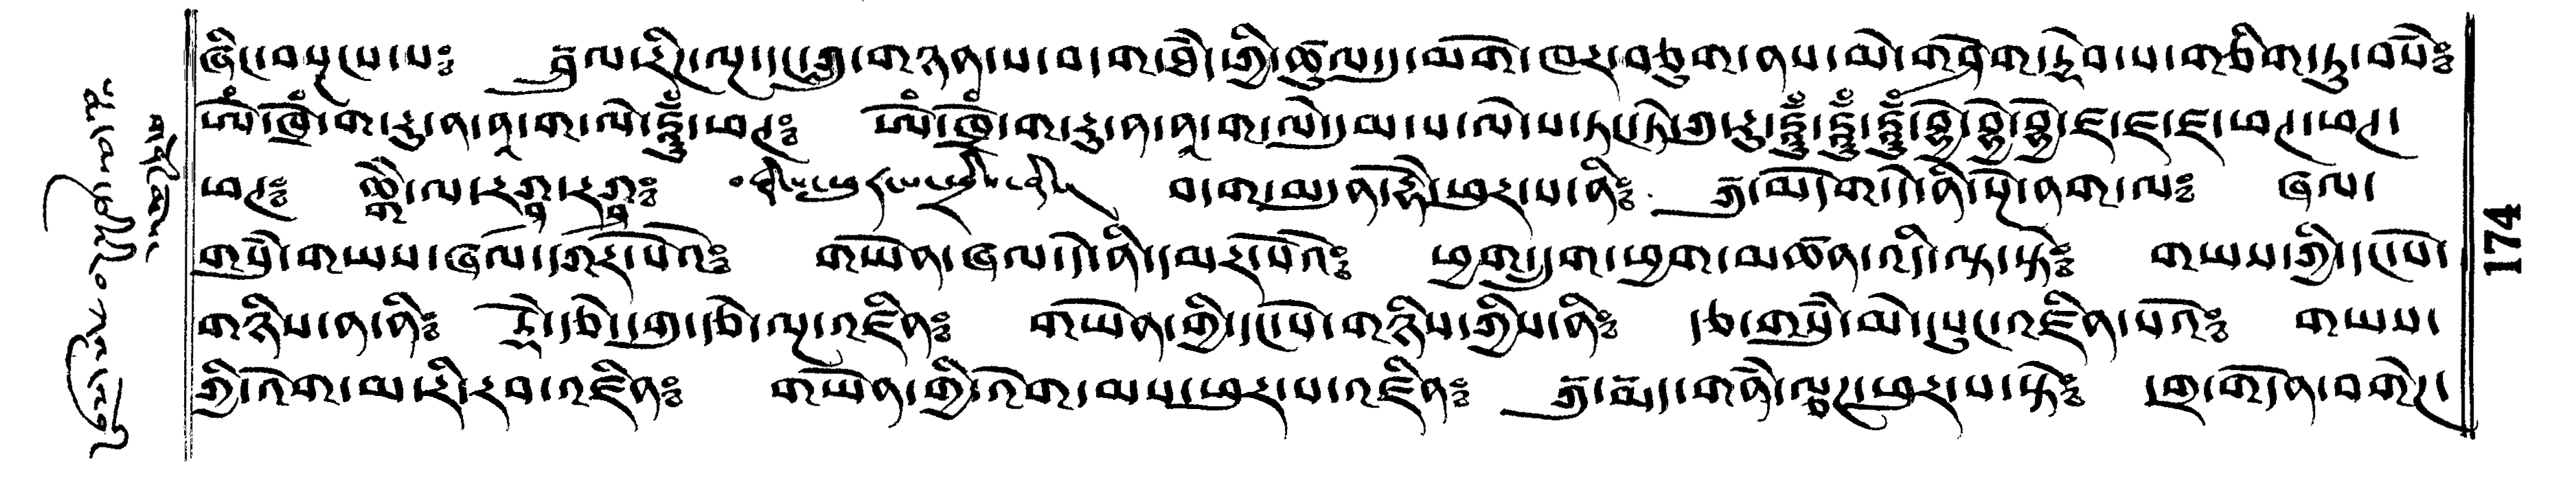ཞིང་བསྔངས་པ༔ སྦྲུལ་རིགས་ལྔ་ཀླུ་གཉན་ས་བདག་ཐམས་ཅད་ཀྱི་ཚུལ་དུ་མགོ་ཁར་བཅུག་ནས་མེ་གཤོག་རྡེབ་པ་གཅིག་ཏུ་བསམ༔ 
ཨོཾ་ཁྲོམ་ག་རུ་ཌཱ་ནཱ་ག་ལེ་ཧཱུྃ་ཕཊ༔ ཨོཾ་ཁྲོམ་ག་རུ་ཌཱ་ནཱ་ག་ལེ་དུམ་པ་ལེ་པ་ཏང་ཏེ་ཀུ་རུ་ཧཱུྃ་ཧཱུྃ་ཧཱུྃཿབྷྱོ་བྷྱོ་བྷྱོཿཛ་ཛ་ཛཿཕཊ་ཕཊ་
ཕཊ༔ ཆེ་གེ་མོ་རཀྴ་རཀྴ༔ བཞི་པ་ཕུར་པ་ཕྲིན་ལས་ནི། བདག་མདུན་རྡོ་རྗེ་ཕུར་པ་ནི༔ སྐུ་མདོག་དེ་ནི་སྔོ་ནག་ལ༔ ཞལ་
གསུམ་གཡས་ཞལ་དཀར་པོའོ༔ གཡོན་ཞལ་དེ་ནི་དམར་པོའོ༔ ཕྱག་དྲུག་ཕྱག་མཚན་འདི་ལྟ་སྟེ༔ གཡས་ཀྱི་དང་པོ་
གཉིས་ན་ནི༔ རྡོ་རྗེ་རྩེ་དགུ་རྩེ་ལྔ་འཛིན༔ གཡོན་གྱི་དང་པོ་གཉིས་ཀྱིས་ནི༔ རྩ་གསུམ་མེ་དཔུང་འཛིན་པའོ༔ གཡས་
ཀྱི་འོག་མ་རི་རབ་འཛིན༔ གཡོན་གྱི་འོག་མས་ཕུར་པ་འཛིན༔ སྐུ་སྨད་གནམ་ལྕགས་ཕུར་པ་སྟེ༔ དགྲ་གདོན་བགེགས་